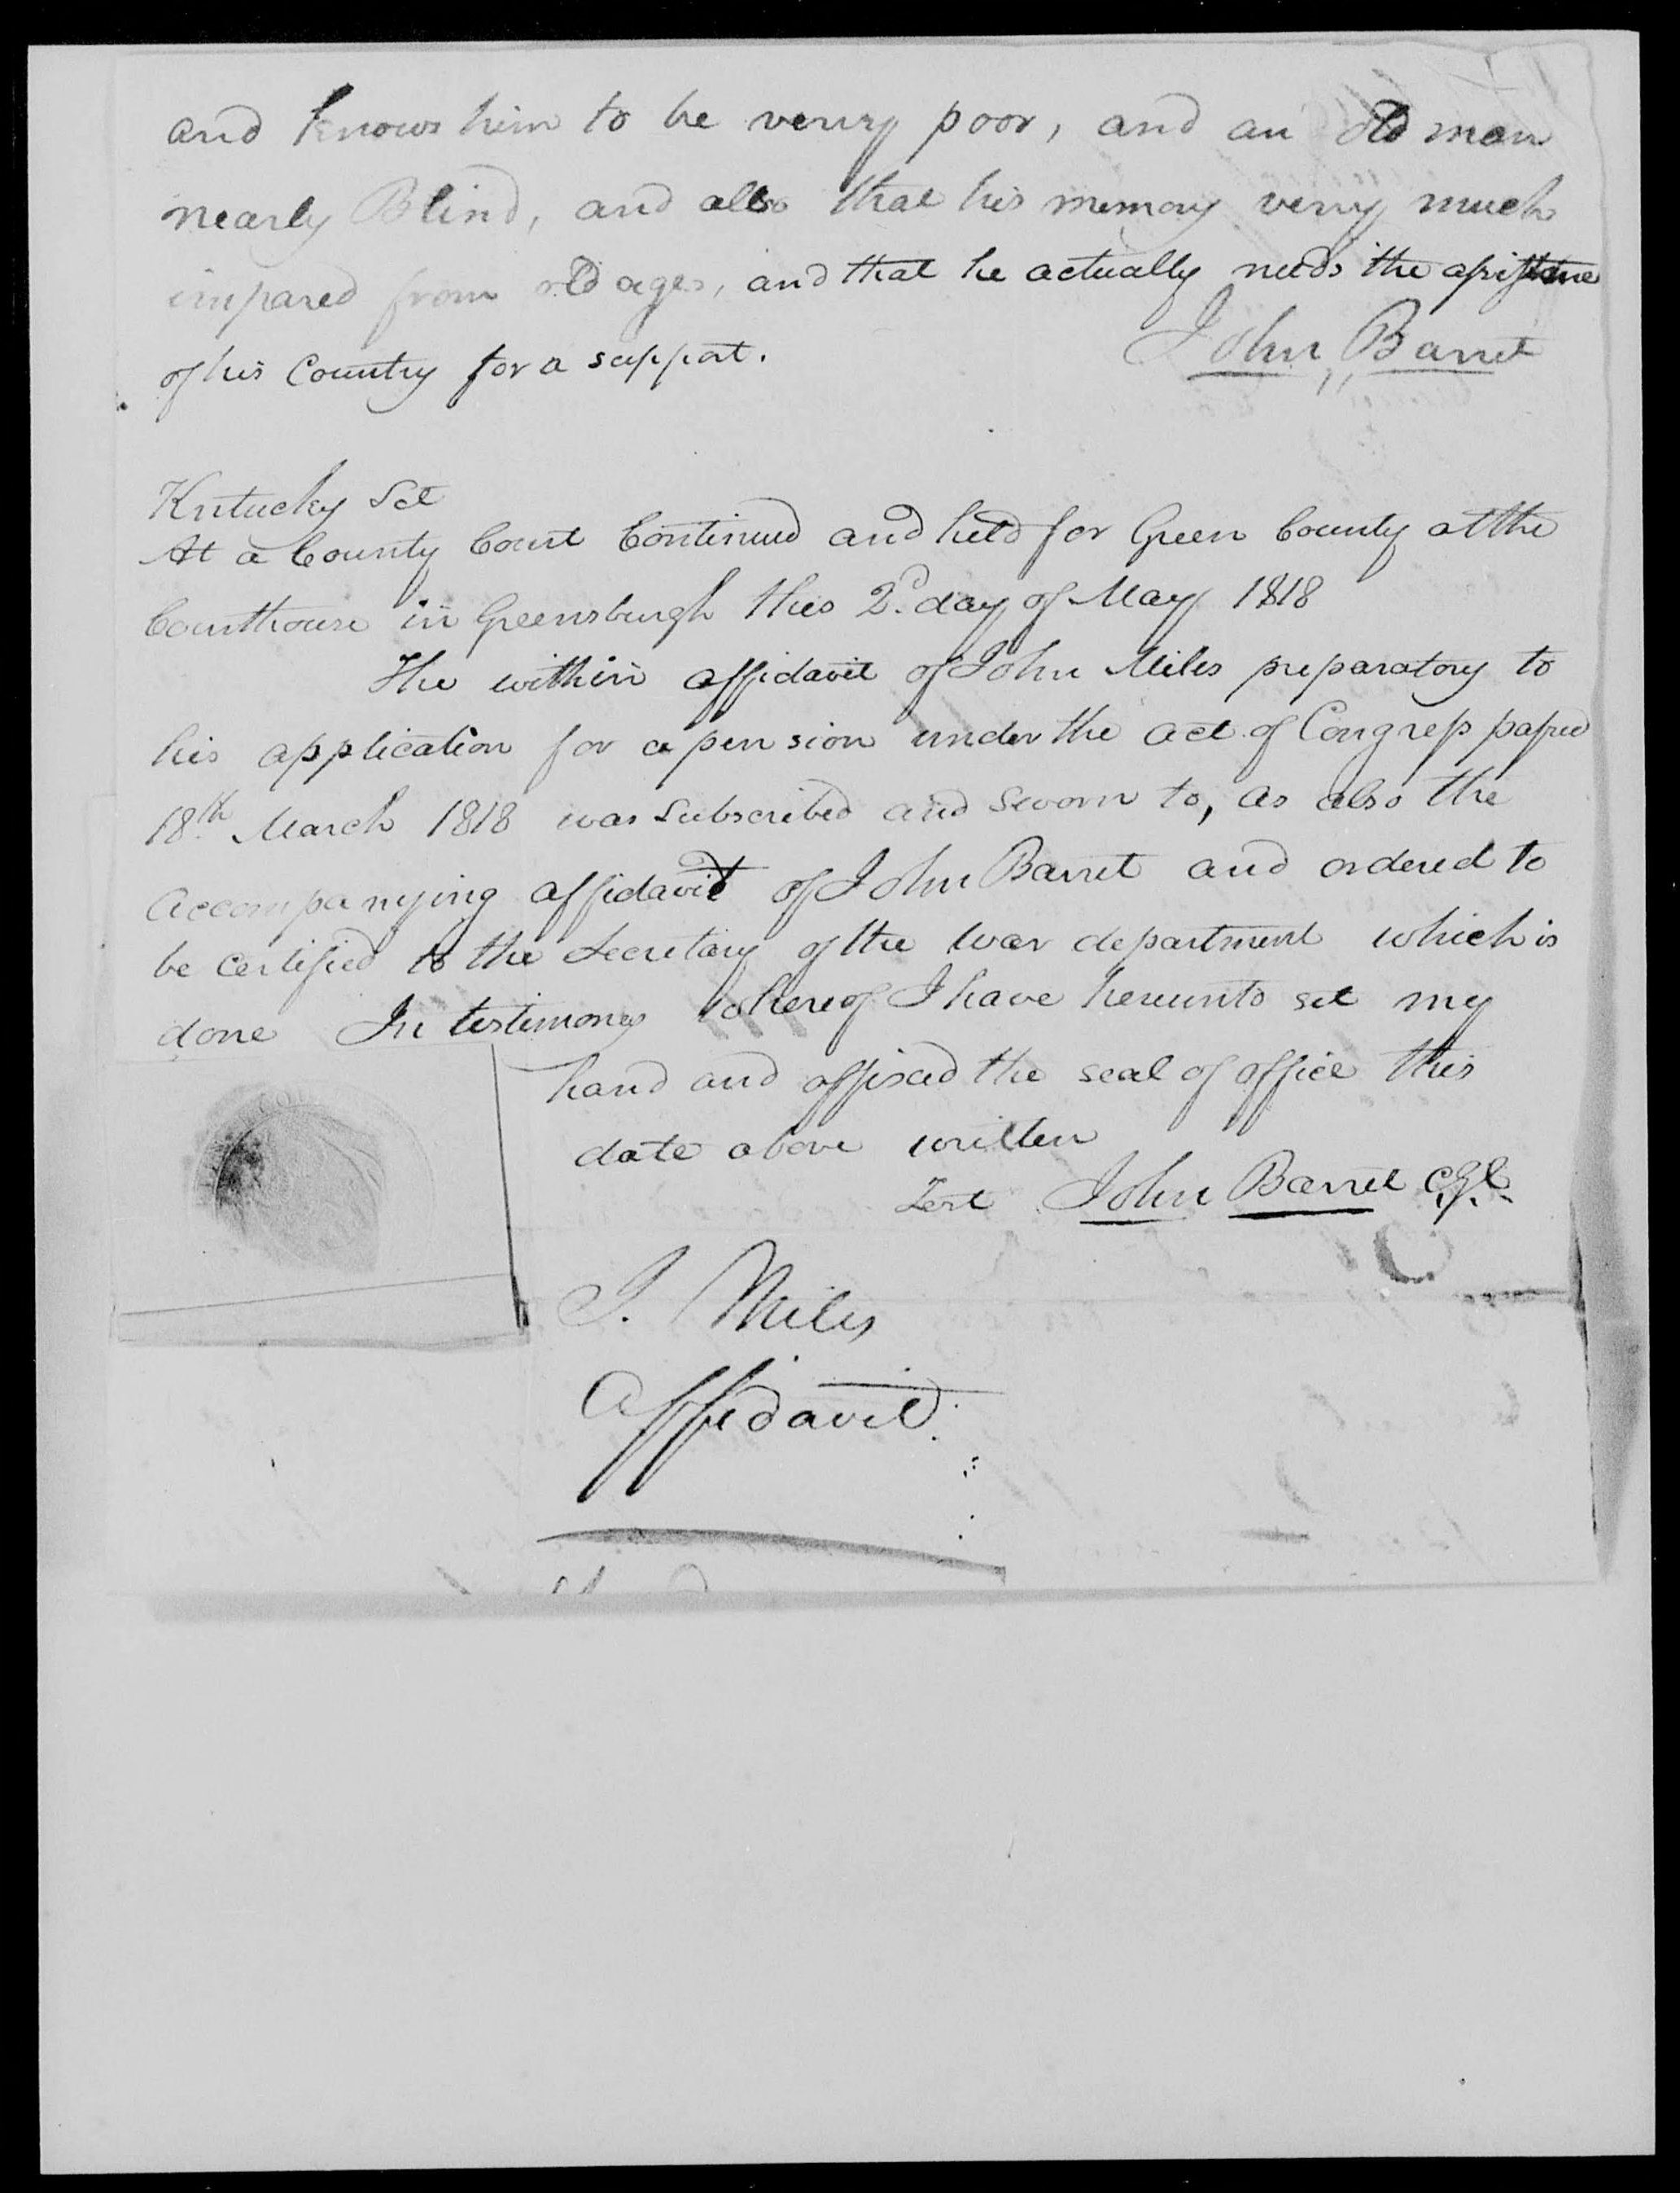and knows him to be verry poor, and an old man nearly Blind, and also that his memory very much impared from old age, and that he actually needs the assistance of his country for a support.
[signed] John Barret

Kentucky Sct.
At a County Court Continued and held for Green County at the Courthouse in Greensburg the 2nd. day of May 1818.

The within affidavit of John Miles preparatory to his application for a pension under the act of Congress paper 18th March 1818 was subscribed and sworn to, as also the accompanying affidavit of John Barret and ordered to be certified to the Secretary of the War department which is done. In testimony a here of I have hereunto set my hand and affixed the seal of office this date above written.
[?] John Barret c[??]

J. Miles
affidavit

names: John Barret; John Miles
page: 24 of 24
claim: survivor's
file: S 36138, for John Miles, Maryland